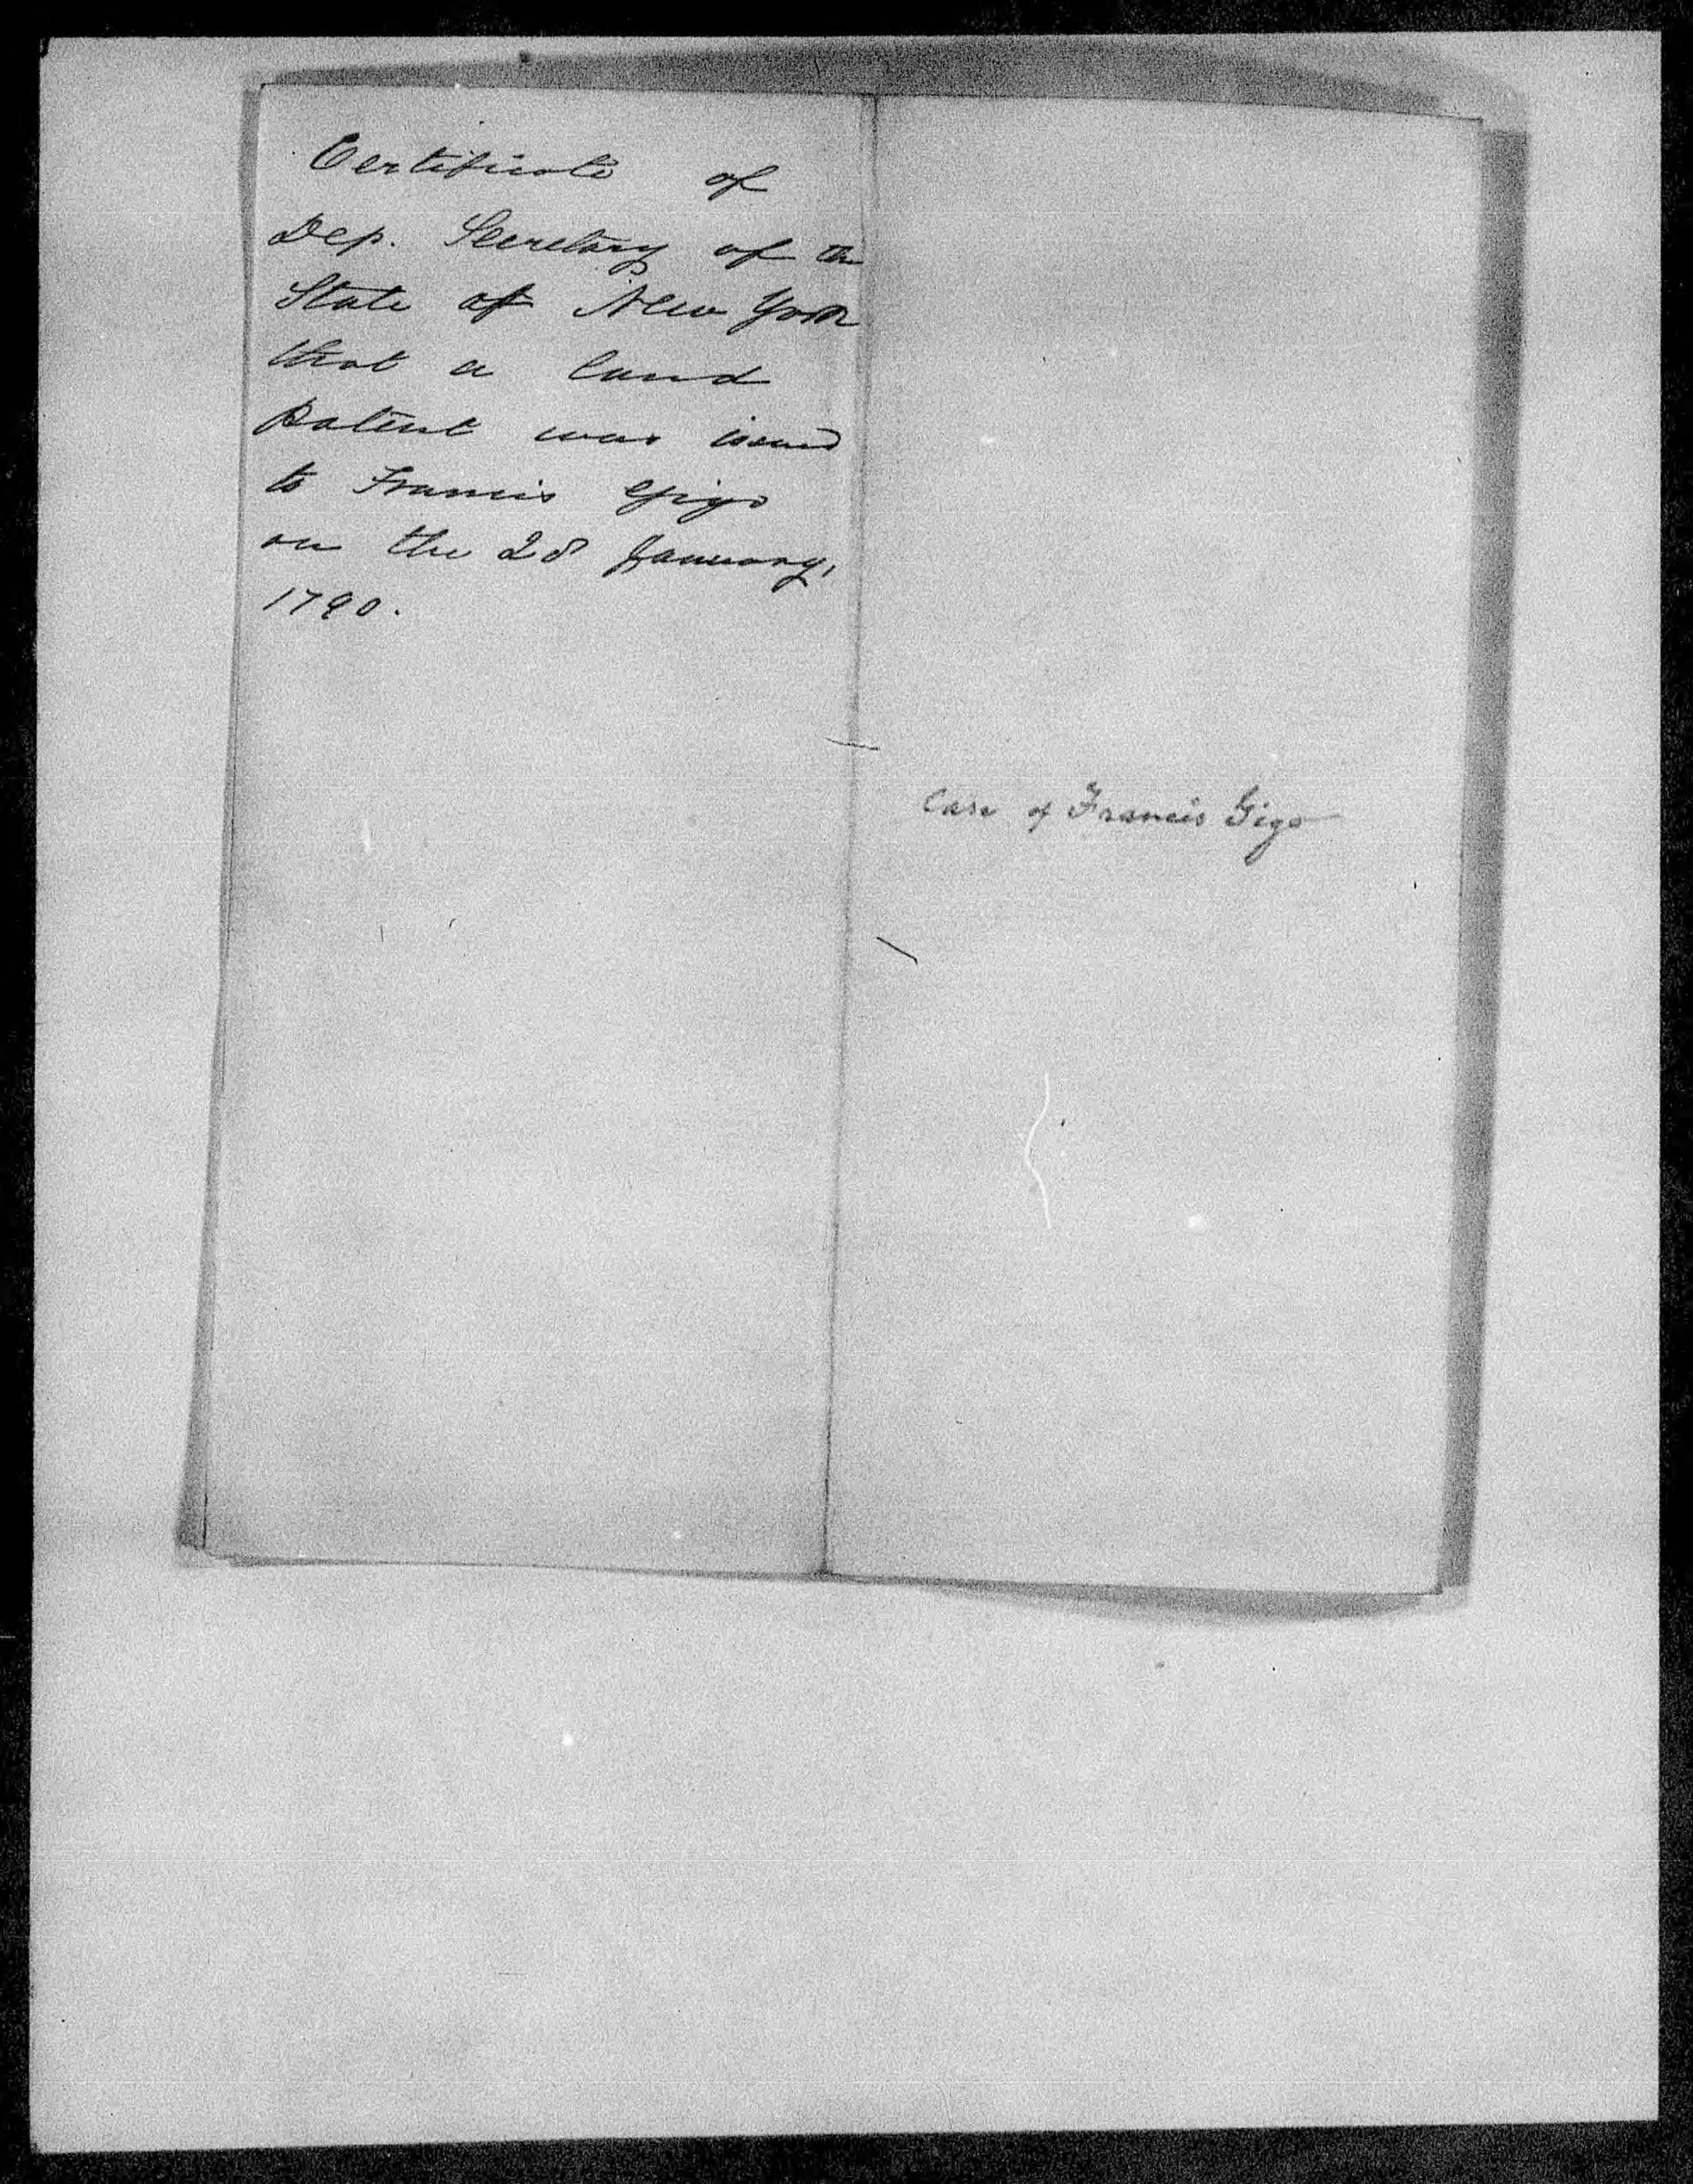Certificate of Dep. Secretary of the state of New York that a land patent was issued to Francis Gigo on the 28th January, 1790.

Case of Francis Gigo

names: Francis Gigo, Francis Gigo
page: 89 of 98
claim: widow's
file: W. 21182, Francis Gigo, Continental (Canadian)